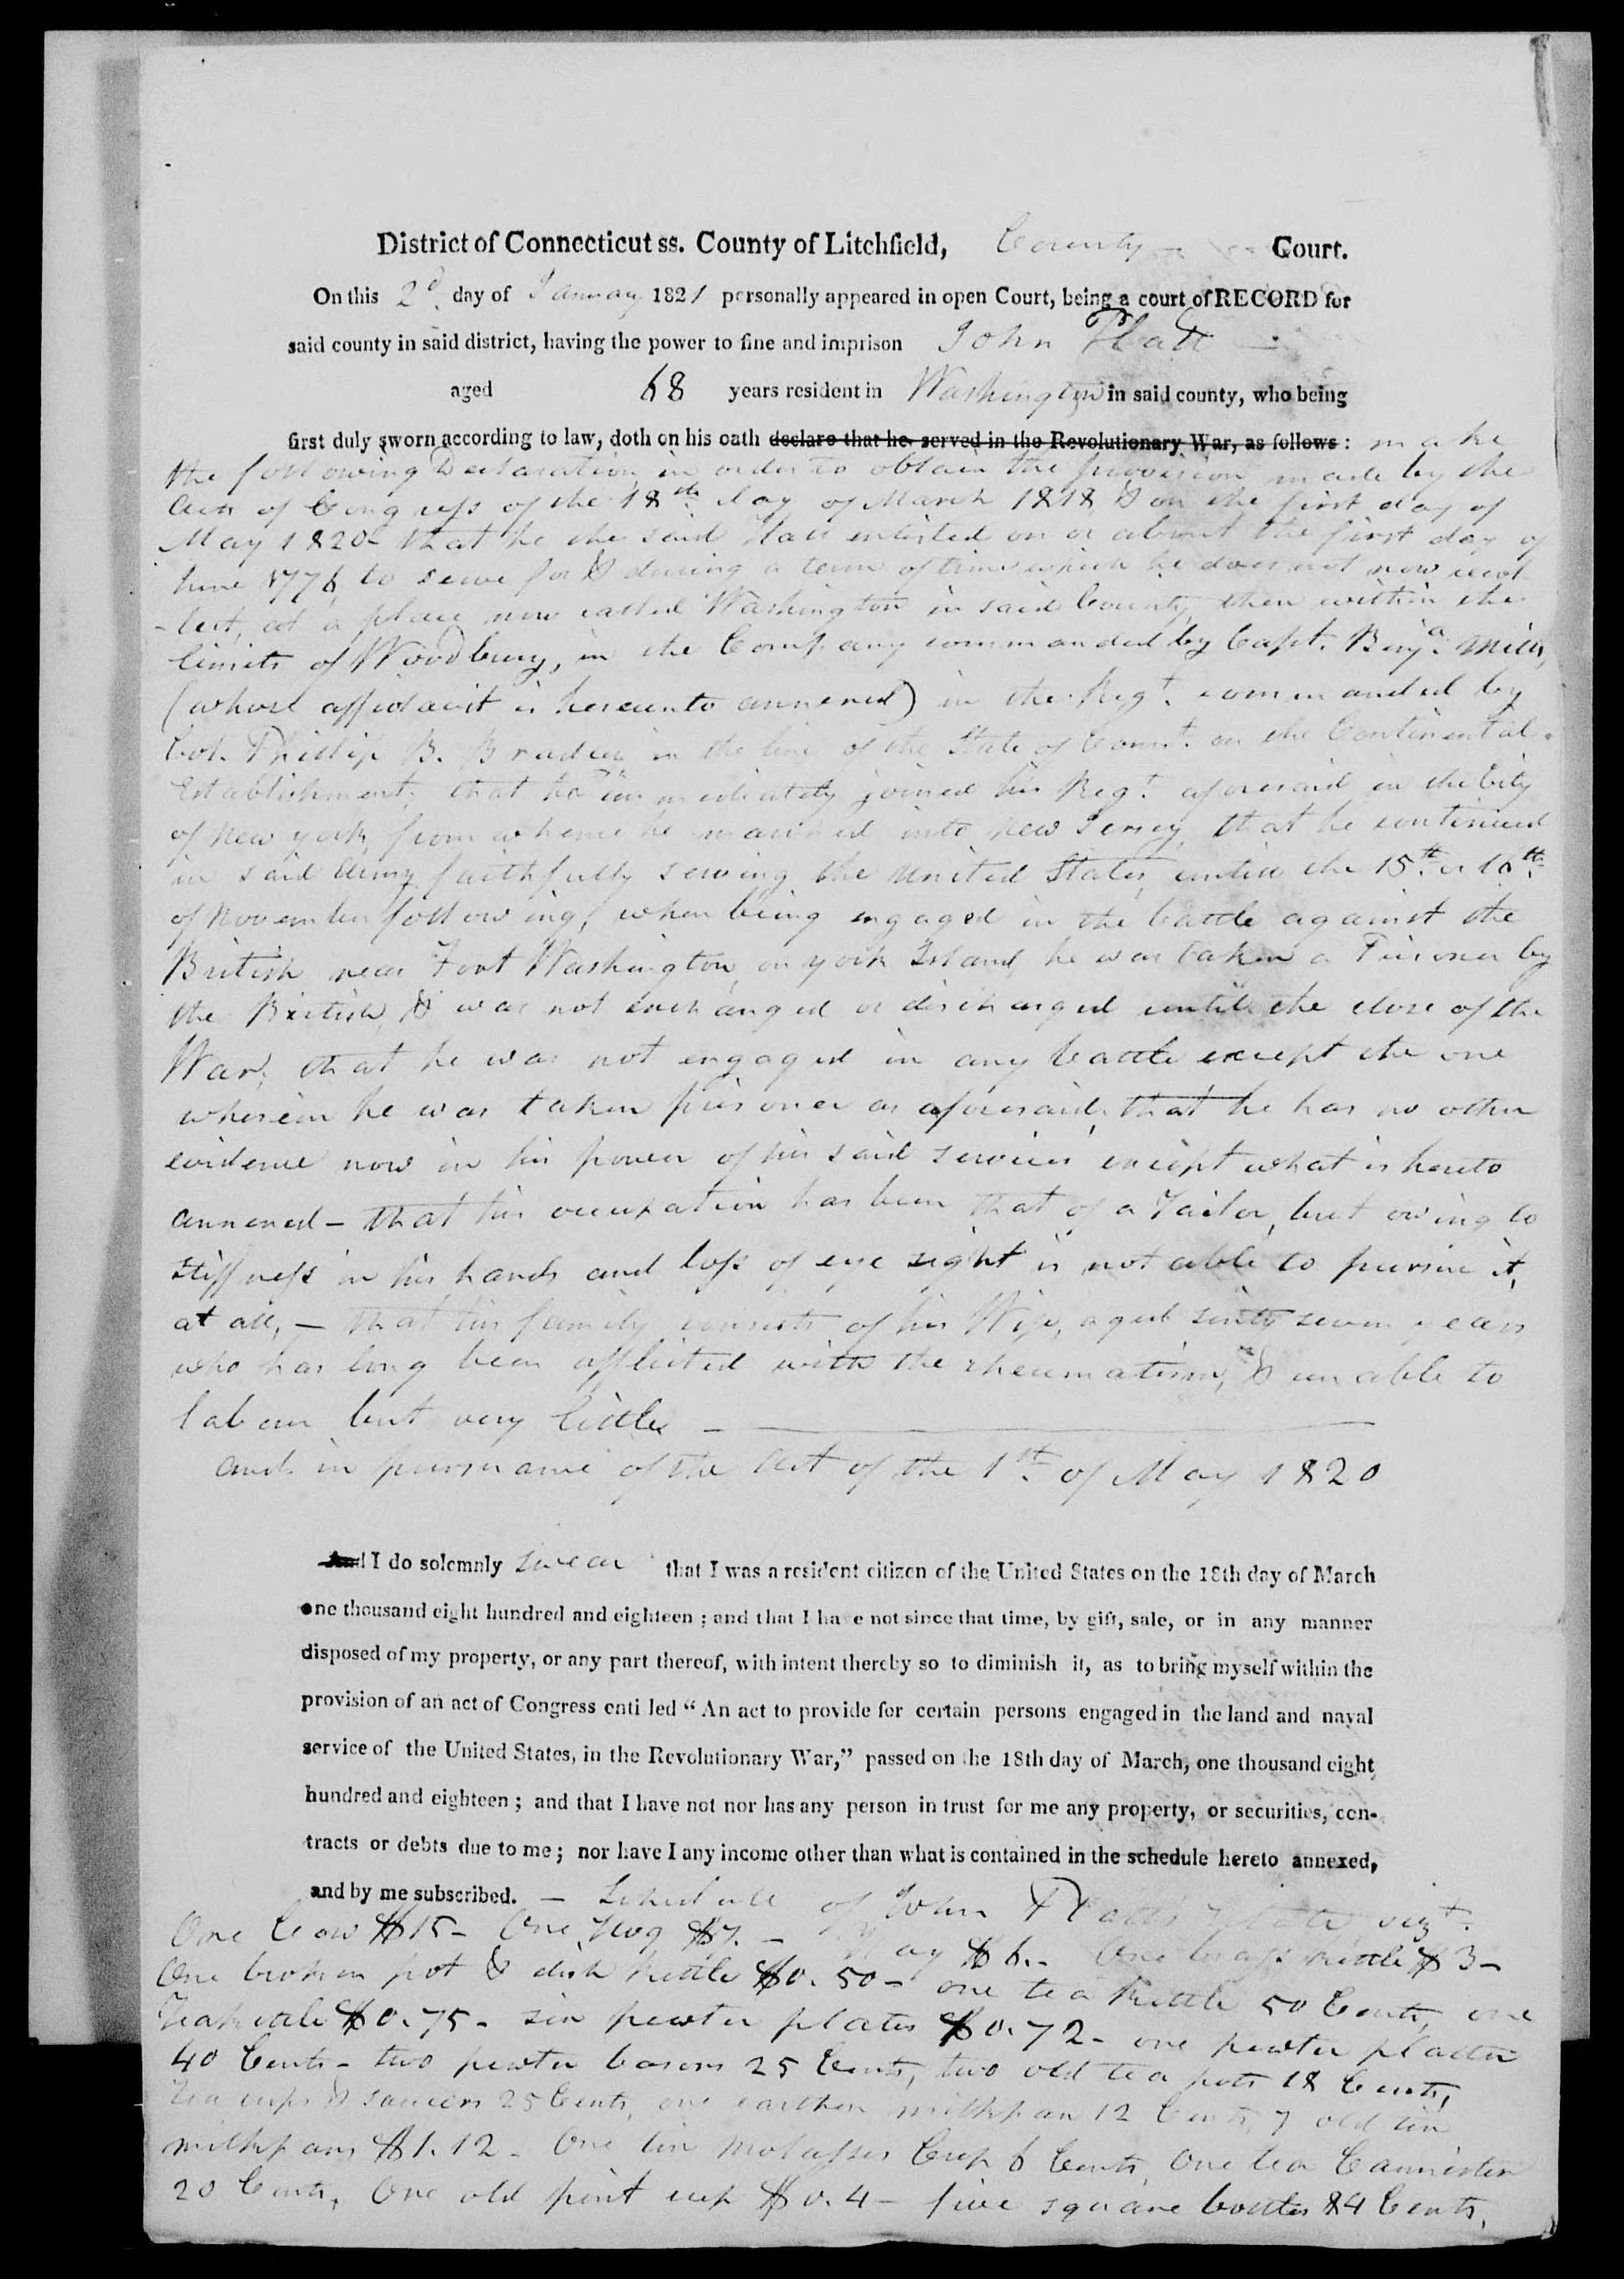District of Connecticut ss. County of Litchfield, County Court
On this 2d day of January 1821 personally appeared in open Court, being a court of RECORD for
said county in said district, having the power to fine and imprison John Platt
aged 68 years resident in Washington in said county, who being
first duly sworn according to law, doth on his oath : make
the following declaration in order to obtain the provision made by the
Act of Congress of the 18th day of March 1818 on the first day of
May 1820 that he the said Hall enlisted on or about the first day of
June 1776 to serve for & during a term of time which he does not now rect
, at a place now called Washington in said County the within the
limits of Woodbury, in the Company commanded by Capt. Benj. Mill
(whose affidavit is hereunto annexed) in the Regt commanded by
Col. Phillip B. Bradley in the line of the State of Court on the Continental
Establishment, that he in mediately joined his Regt aforesaid in the City of
New York, from whence he marched into New Jersey that he continued
in said Army faithfully serving the United States untill the 15th 16th
of November following, when being engaged in the battle against the
British near Fort Washington, on York Island he was taken a prisoner by
the British & was not exchanged or discharged until the close of the
War; that he was not engaged in any battle except the one
wherein he was taken prisoner as aforesaid that he has no other
evidence now in his power of his said services except what is hereto
annexed that his occupation has been that of a tailor, but owing to
stiffness in his hands and loss of eye sight is not able to pursue it
X
at all, that his family consists of his Wife, aged sixty seven years
who has long been afflicted with the Rheumatism & unable to
labor but very little
---
-
and in pursuance of the act of the 1st of May 1820
I do solemnly swear that I was a resident citizen of the United States on the 18th day of March
one thousand eight hundred and eighteen; and that I have not since that time, by gift, sale, or in any manner
disposed of my property, or any part thereof, with intent thereby so to diminish it, as to bring myself within the
provision of an act of Congress entitled ""An act to provide for certain persons engaged in the land and naval
service of the United States, in the Revolutionary War,” passed on the 18th day of March, one thousand eight
hundred and eighteen; and that I have not nor has any person in trust for me any property, or securities, contracts
or debts due to me; nor have I any income other than what is contained in the schedule hereto annexed,
and by me subscribed. That of John & as it is
One Cow $1- One N. 87-
$6. One Tea Kittle $3-
One broken pot & dish Kettle $0.50- one tea Kettle 50 Cent one
have $0.75 - sen pewter plates $0.72- one pewter platter
40 Cents two pewter bases 25 Cents, two old to a pots 18 Cent
Teacups & Samers 25 Cents, one earthen Mithan 12 Cent old tin
with pans $1.12- One tin Molasses Crop of Cents One tin Canister
20 Corts One old pint up $0.4 - five square bout 84 Cents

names: John Platt; Benjn Mills; Phillip B Bradley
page: 4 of 12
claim: survivor's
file: S. 36,233, for John Platt, Connecticut